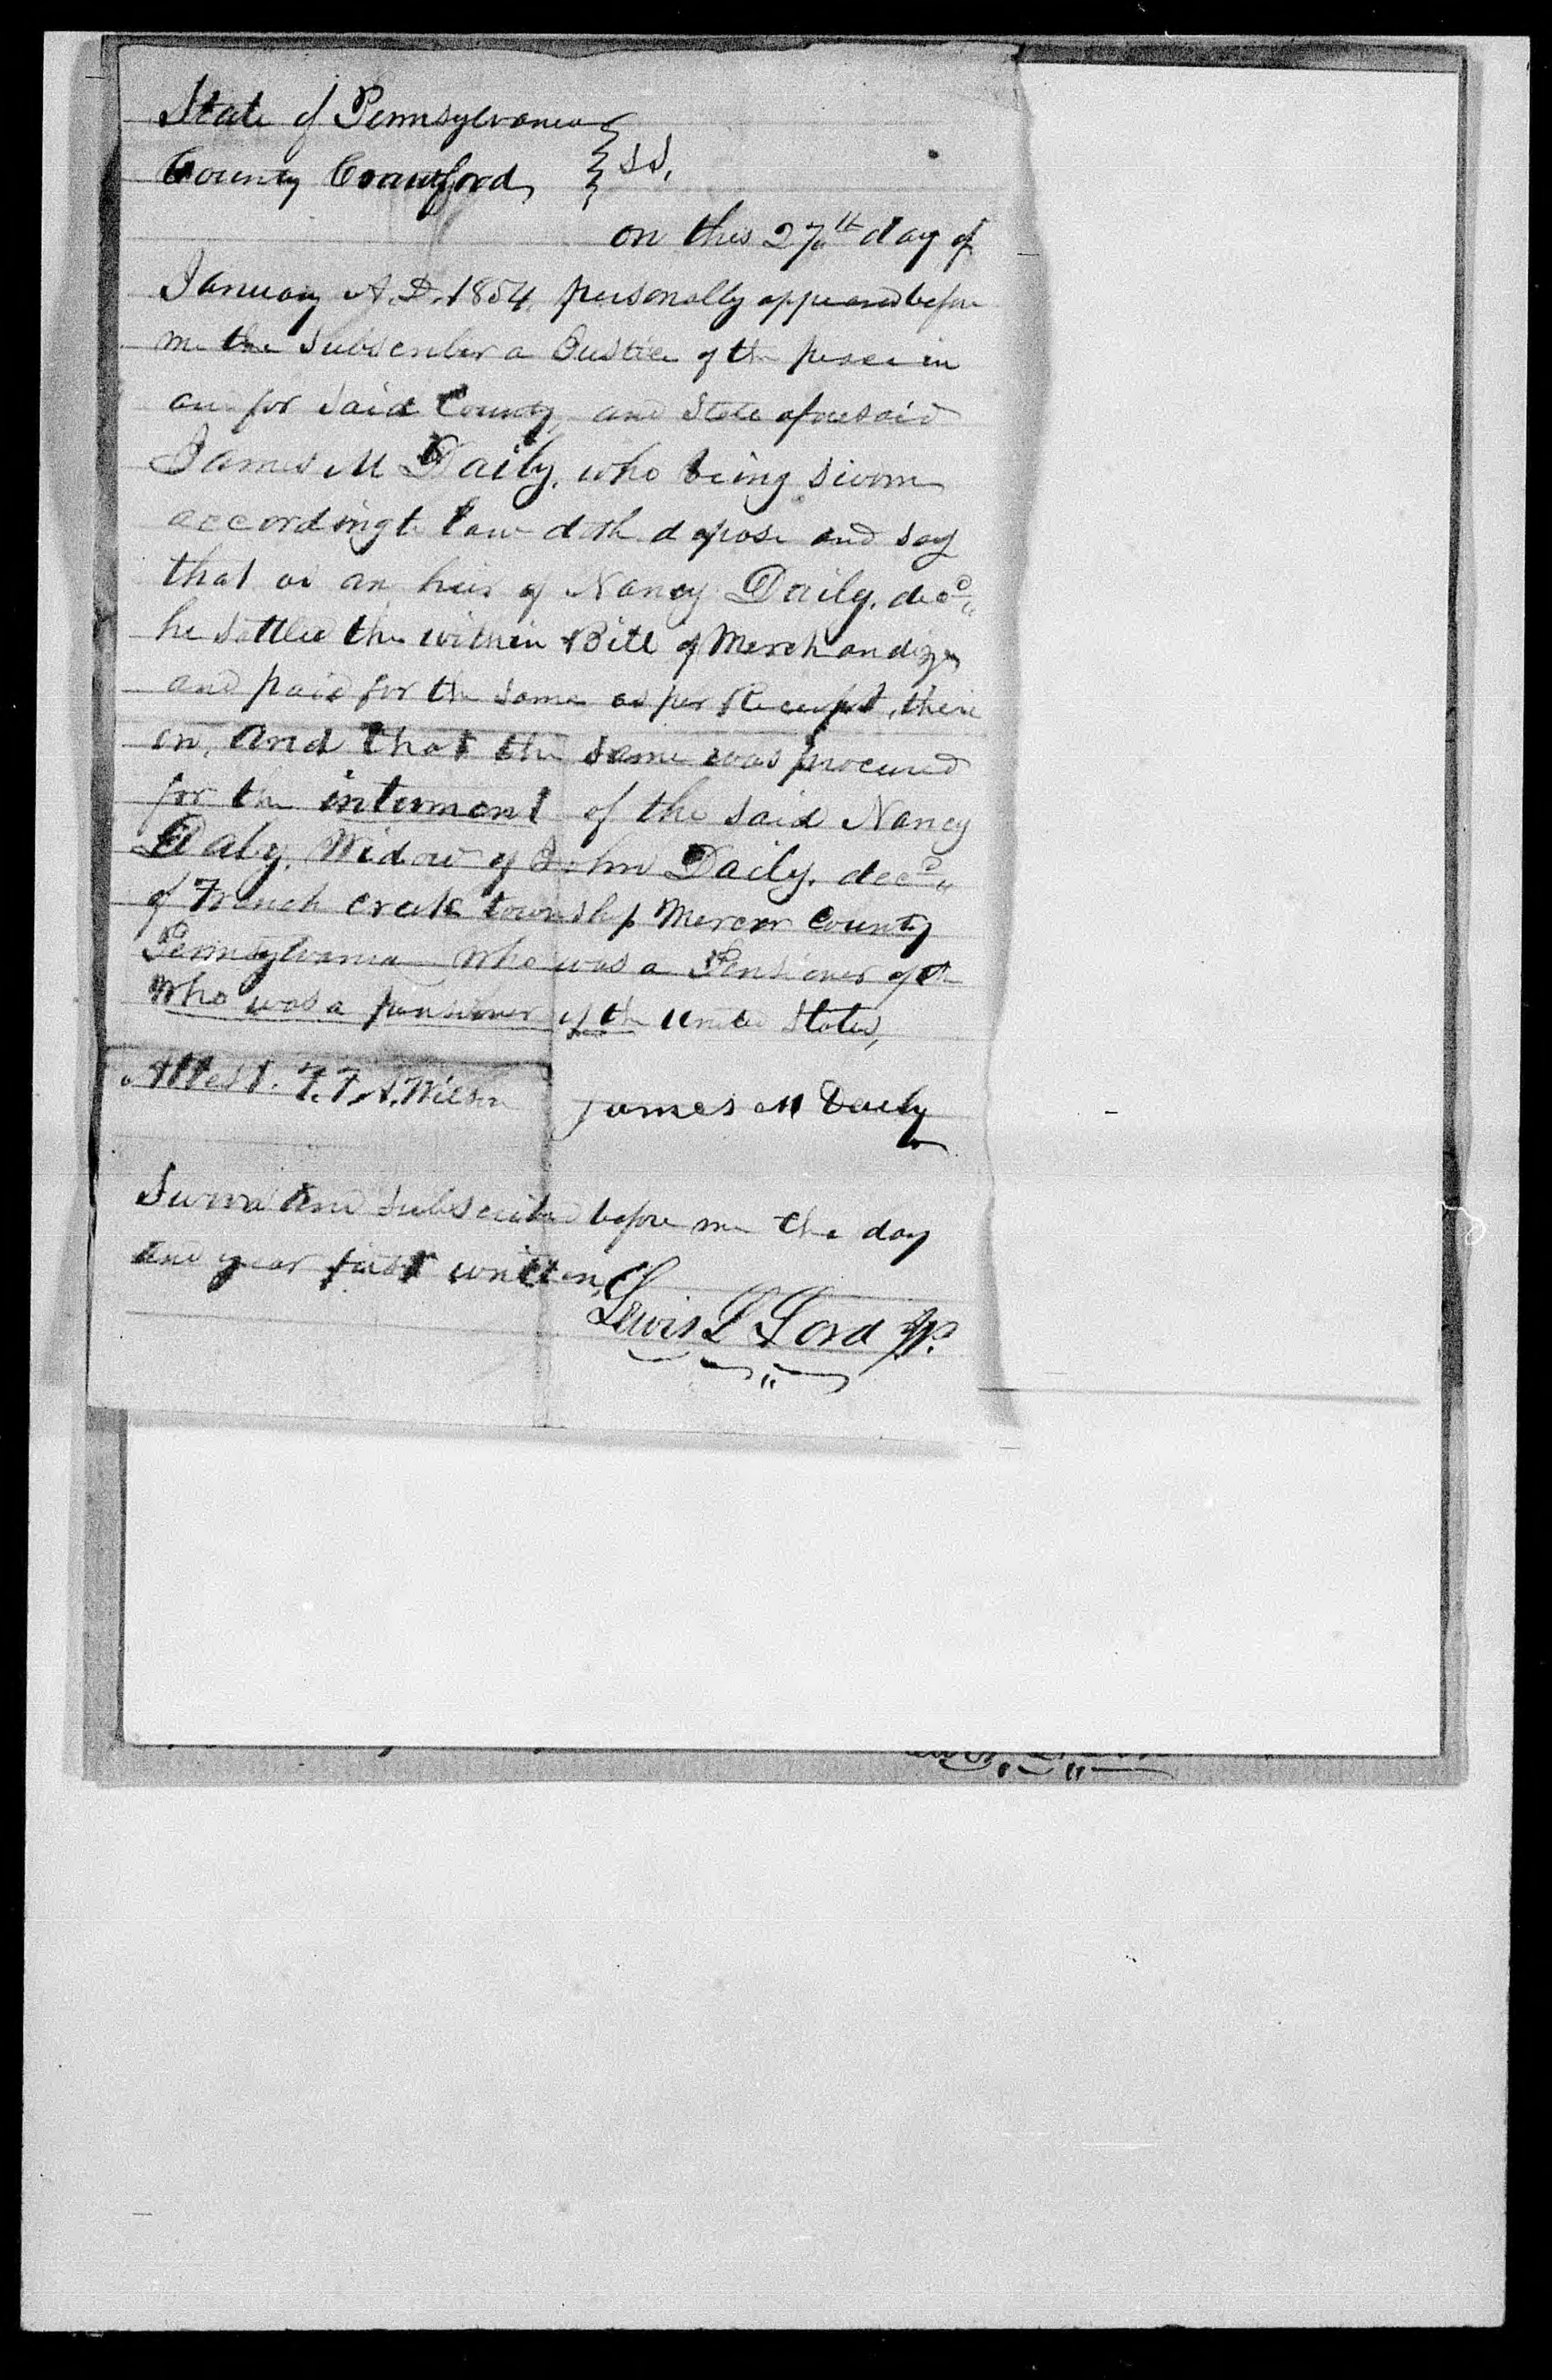State of Pennsylvania
County Countford
SS.
on this 27th day of
January A.D. 1854 personally appeared before
me the Subscriber a Justice of the peace in
and for said County and State aforesaid
James M Daily who being sworn
according to law doth depose and say
that as an heir of Nancy Daily decd
he settled the within Bill of merchandize
and paid for the same as per Receipt, there
on, and that the same was procured
for the interment of the said Nancy
Daly, Widow of John Daily, decd
of French Creek township Mercer County
Pennsylvania who was a Pensioner of the
who was a pensioner of the United States
Albert F. F. A. Wilson
James M Daily
Sworn and subscribed before me the day
and year first written
Lewis L Lord W.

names: F F A Wilson, Nancy Daily, John Daily, Nancy Daly, James M Daily, James M Daily, Lewis L Lord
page: 6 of 63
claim: widow's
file: W. 3228, John Daly, Penn.